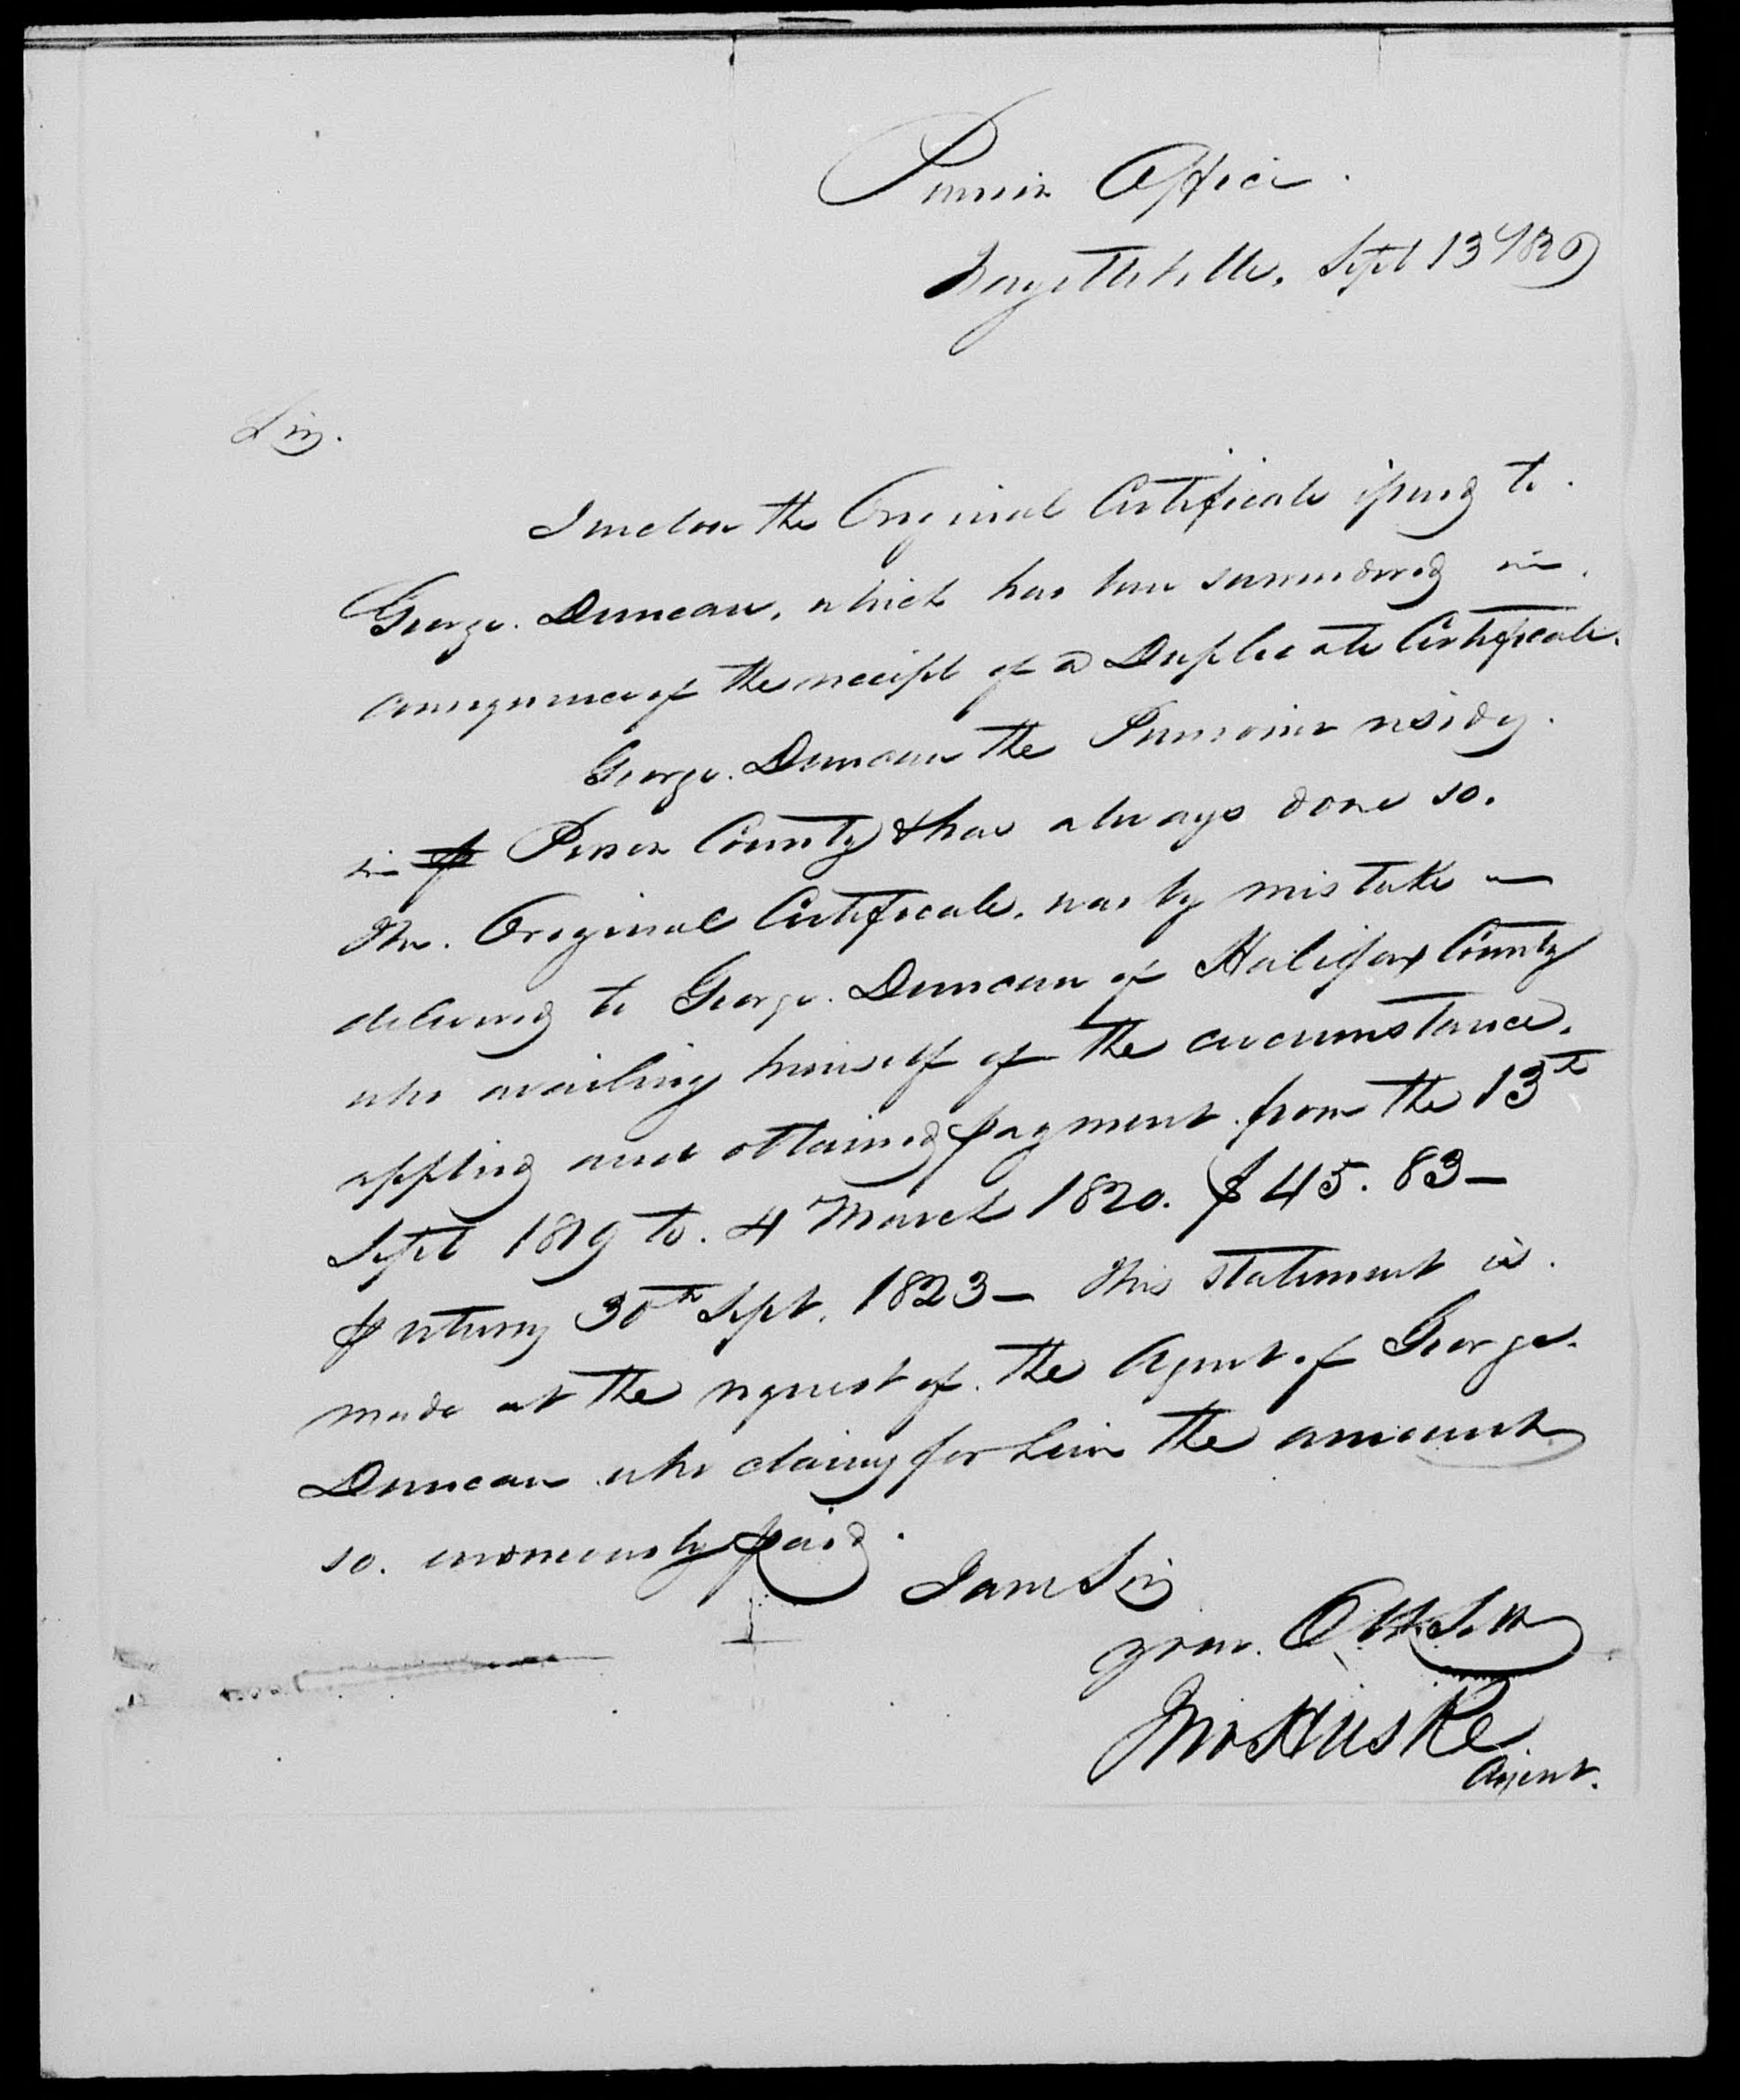1
in
Pension Office
Fayetteville, Sept 13 1830
I inclose the original  Certificate issue to
George Duncan, which has he surrended in
consequence to the receipt of a Duplicate Certificate
George Duncan the Pensioner resides in 
Person County & has always done so
The Original Certificate, was by mistake
delivered to George Duncan of Halifax County
who availing himself of the circumstance
applied and obtained  payment from the 13th
Sept 1819 to 4 March 1820. $45.83-
turn 30th Sept. 1823. This statement is
made at the request of the Agent of George
Duncan who claims for him the amount
so erroneously  paid
I am Sir
Your Obt svt
Jno Huske, Agent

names: George Duncan, Jno Huske, George Duncan, George Duncan, George Duncan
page: 43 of 49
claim: survivor's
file: S. 41513, George Duncan, N.C.